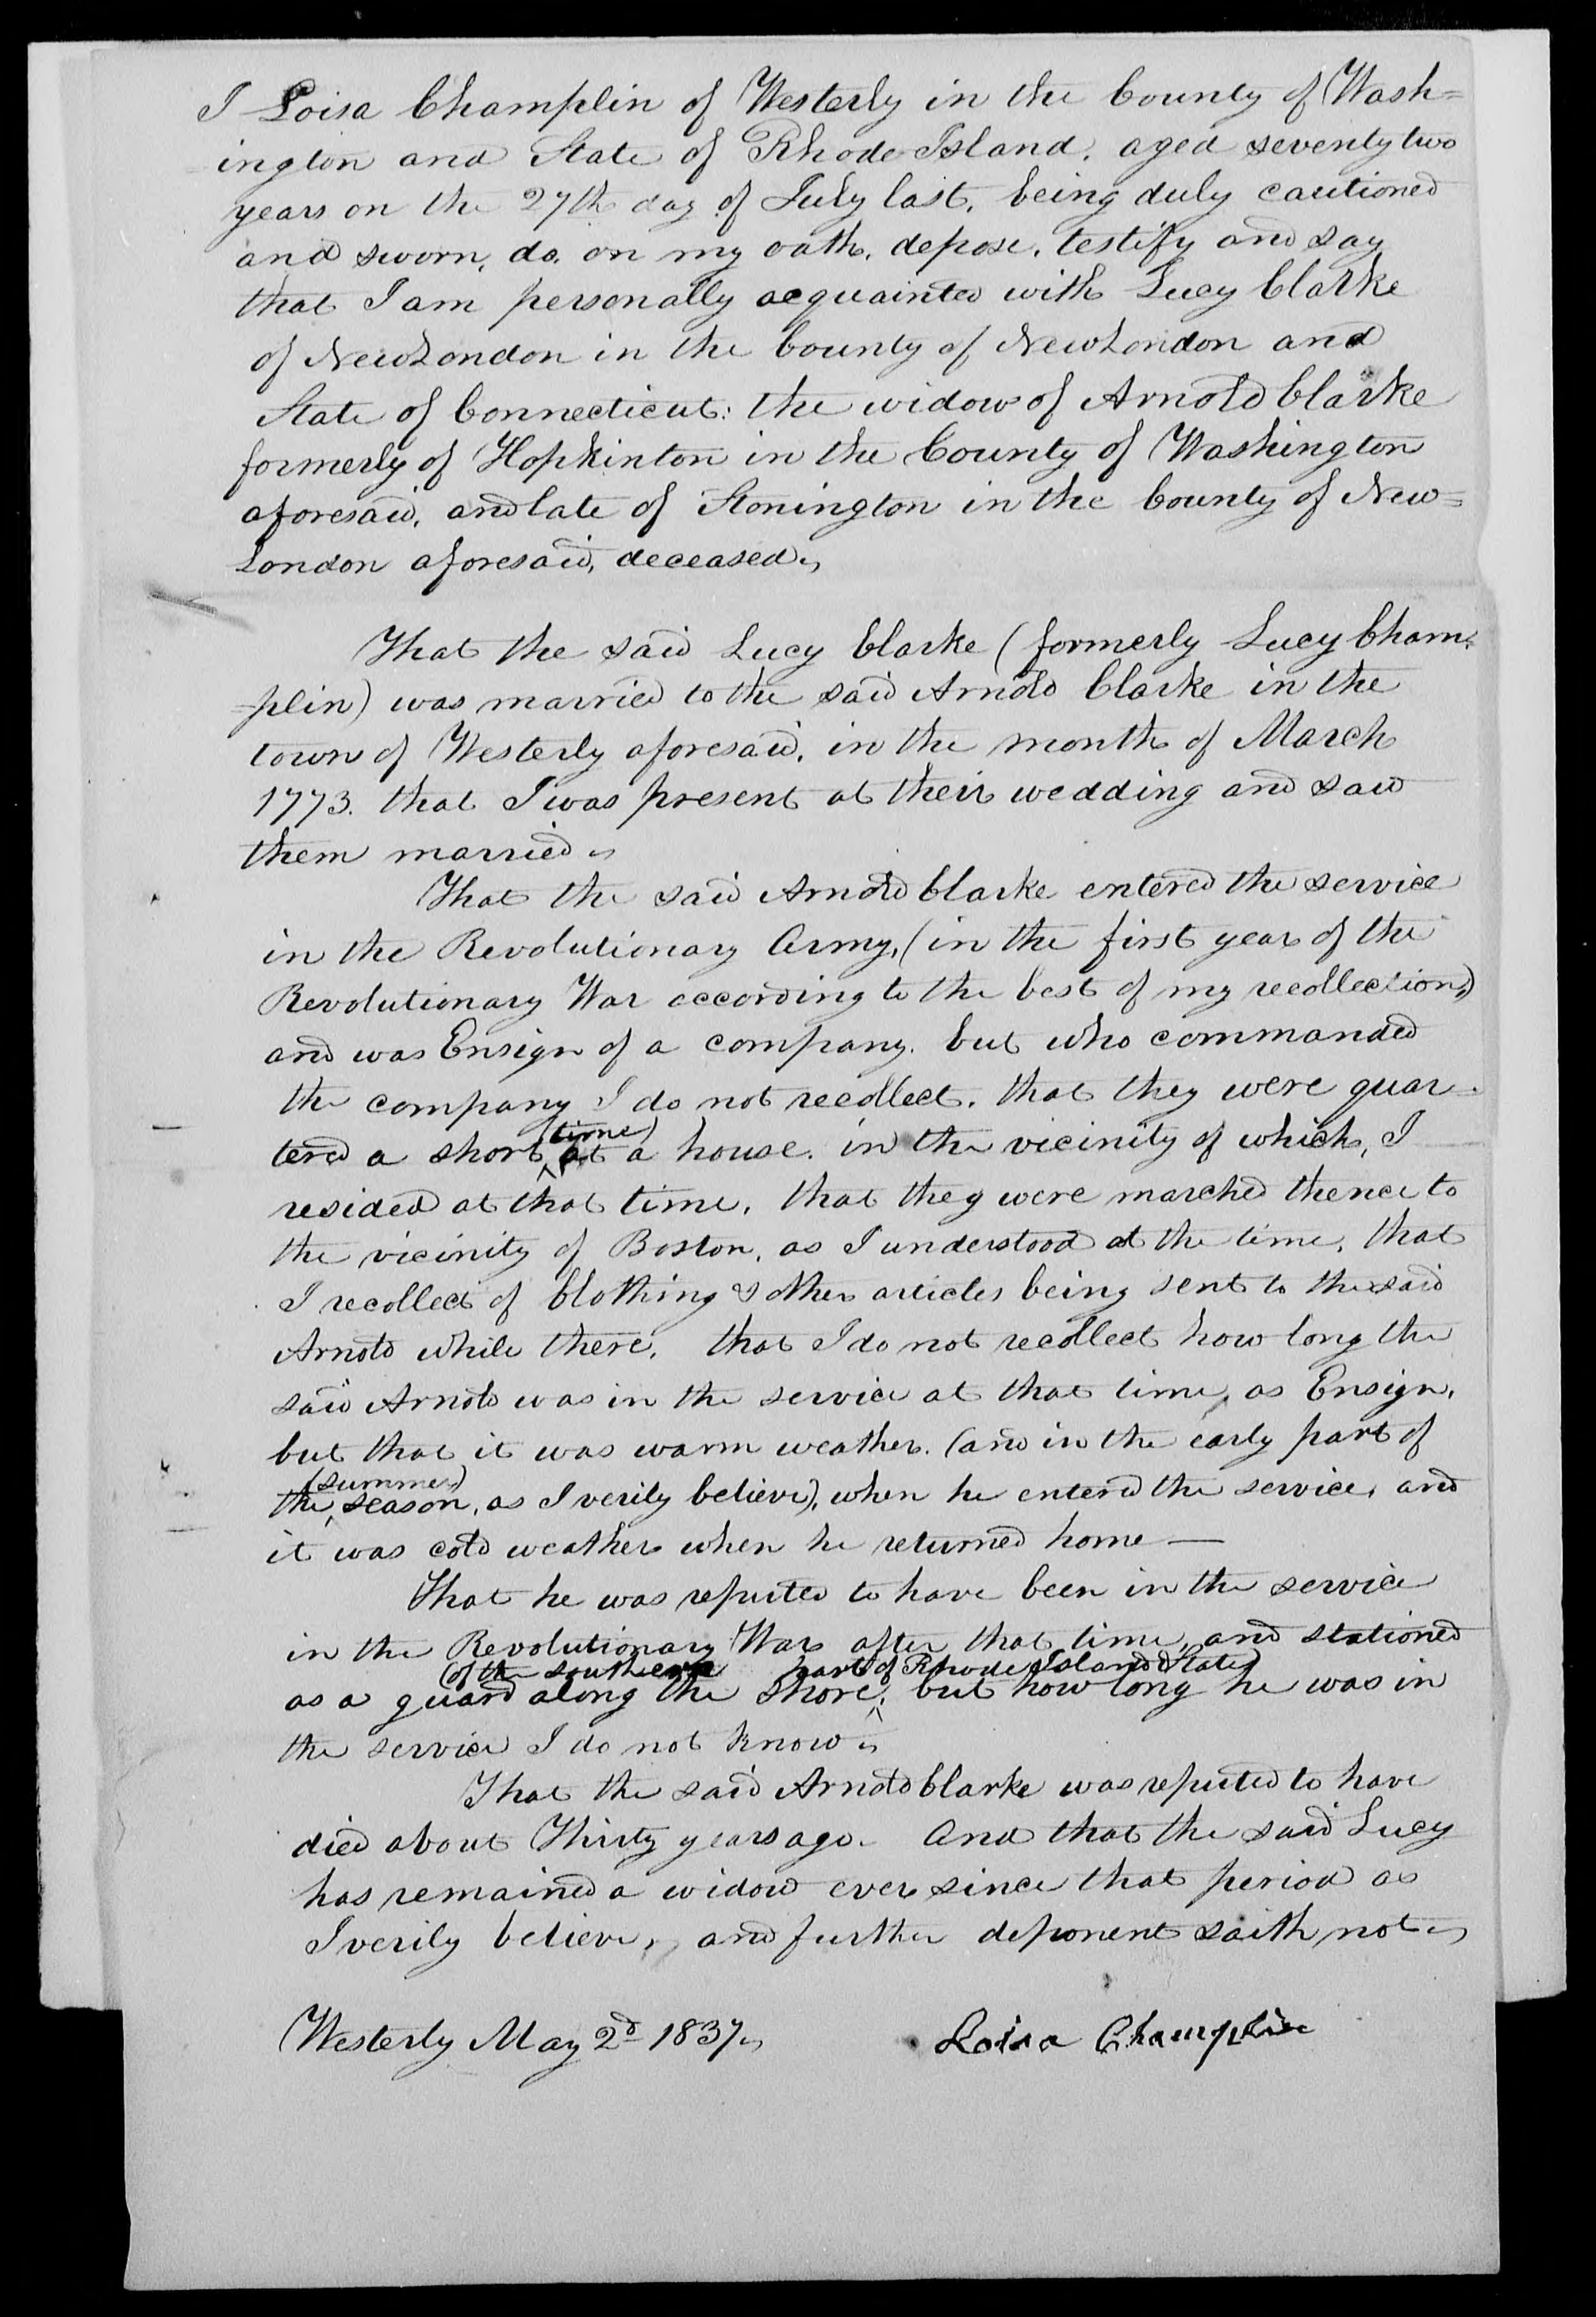I Loisa Champlin of Westerly in the county of Washington and state of Rhode Island, aged seventy two years on the 27th day of July last, being duly cautioned and sworn, do on my oath, depose, testify and say that I am personally acquainted with Lucy Clarke of New London in the county of New London and state of Connecticut, the widow of Arnold Clarke formerly of Hopkinton in the county of Washington aforesaid, and late of Stonington in the county of New London aforesaid, deceased.
That the said Lucy Clarke (formerly Lucy Champlin) was married to the said Arnold Clarke in the town of Westerly aforesaid, in the month of March 1773, that I was present at their wedding and saw them married.
That the said Arnold Clarke entered the service in the Revolutionary Army, (in the first year of the Revolutionary War according to the best of my recollection,) and was ensign of a company, but who commanded the company, I do not recollect. That they were quartered a short time at a house in the vicinity of which, I resided at that time, that they were marched thence to the vicinity of Boston, as I understood at the time, that I recollect of clothing & other articles being sent to the said Arnold while there. That I do not recollect how long the said Arnold was in the service at that time as ensign, but that it was warm weather (and in the early part of the summer season, as I verily believe), when he entered the service and it was cold weather when he returned home.
That he was reputed to have been in the service in the Revolutionary War after that time, and stationed as a guard along the shore of the southeast part of Rhode Island state, but how long he was in the service I do not know.
That the said Arnold Clarke was reputed to have died about thirty years ago. And that the said Lucy has remained a widow ever since that period as I verily believe, and further deponent saith not.
Loisa Champlin
Westerly May 2d 1837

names: Lucy Champlin, Arnold Clarke, Loisa Champlin, Arnold Clarke, Arnold Clarke, Lucy, Arnold Clarke, Lucy Clarke, Lucy Clarke, Loisa Champlin, Arnold, Arnold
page: 43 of 48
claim: widow's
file: W. 17,628, Arnold Clarke, R.I.